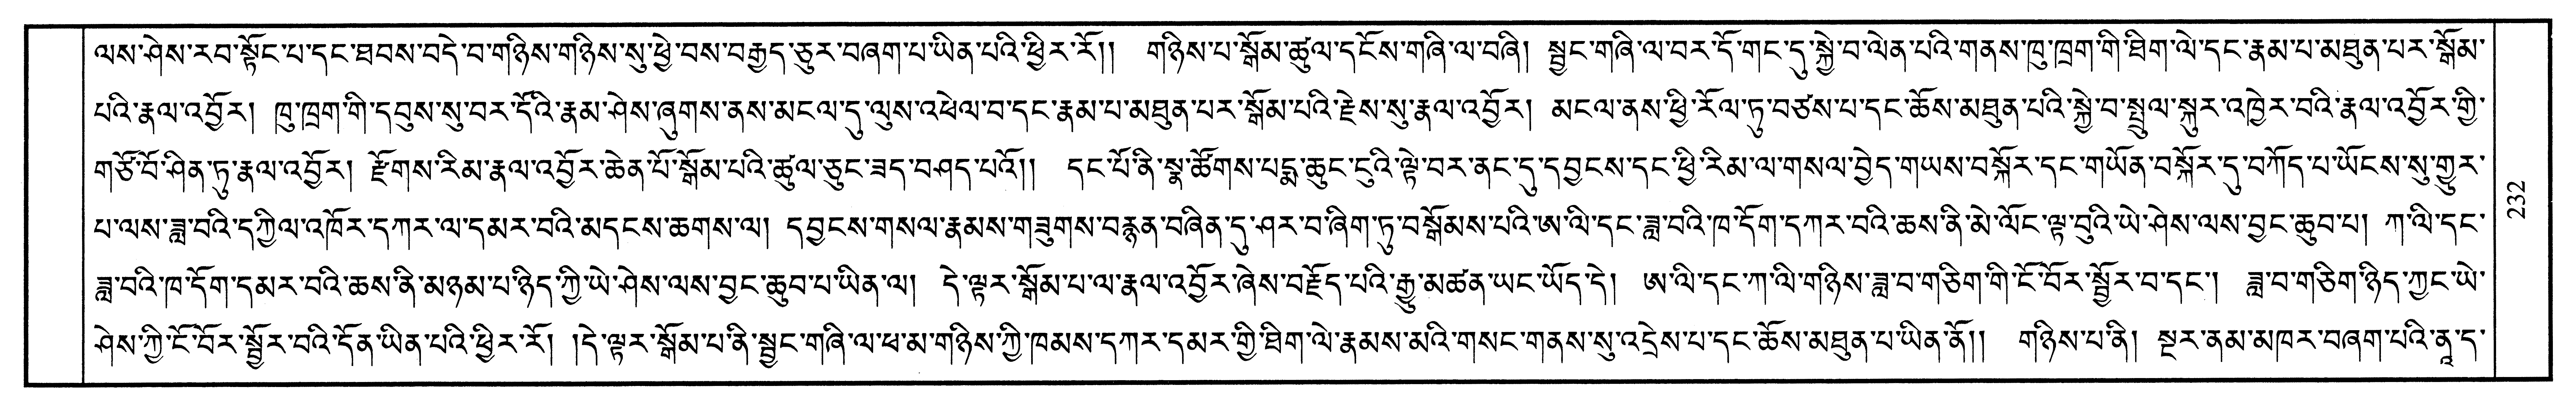ལས་ཤེས་རབ་སྟོང་པ་དང་ཐབས་བདེ་བ་གཉིས་གཉིས་སུ་ཕྱེ་བས་བརྒྱད་ཅུར་བཞག་པ་ཡིན་པའི་ཕྱིར་རོ།། གཉིས་པ་སྒོམ་ཚུལ་དངོས་གཞི་ལ་བཞི། སྦྱང་གཞི་ལ་བར་དོ་གང་དུ་སྐྱེ་བ་ལེན་པའི་གནས་ཁུ་ཁྲག་གི་ཐིག་ལེ་དང་རྣམ་པ་མཐུན་པར་སྒོམ་
པའི་རྣལ་འབྱོར། ཁུ་ཁྲག་གི་དབུས་སུ་བར་དོའི་རྣམ་ཤེས་ཞུགས་ནས་མངལ་དུ་ལུས་འཕེལ་བ་དང་རྣམ་པ་མཐུན་པར་སྒོམ་པའི་རྗེས་སུ་རྣལ་འབྱོར། མངལ་ནས་ཕྱི་རོལ་ཏུ་བཙས་པ་དང་ཆོས་མཐུན་པའི་སྐྱེ་བ་སྤྲུལ་སྐུར་འཁྱེར་བའི་རྣལ་འབྱོར་གྱི་
གཙོ་བོ་ཤིན་ཏུ་རྣལ་འབྱོར། རྫོགས་རིམ་རྣལ་འབྱོར་ཆེན་པོ་སྒོམ་པའི་ཚུལ་ཅུང་ཟད་བཤད་པའོ།། དང་པོ་ནི་སྣ་ཚོགས་པདམ་ཆུང་ངུའི་ལྟེ་བར་ནང་དུ་དབྱངས་དང་ཕྱི་རིམ་ལ་གསལ་བྱེད་གཡས་བསྐོར་དང་གཡོན་བསྐོར་དུ་བཀོད་པ་ཡོངས་སུ་གྱུར་
པ་ལས་ཟླ་བའི་དཀྱིལ་འཁོར་དཀར་ལ་དམར་བའི་མདངས་ཆགས་ལ། དབྱངས་གསལ་རྣམས་གཟུགས་བརྙན་བཞིན་དུ་ཤར་བ་ཞིག་ཏུ་བསྒོམས་པའི་ཨ་ལི་དང་ཟླ་བའི་ཁ་དོག་དཀར་བའི་ཆས་ནི་མེ་ལོང་ལྟ་བུའི་ཡེ་ཤེས་ལས་བྱང་ཆུབ་པ། ཀ་ལི་དང་
ཟླ་བའི་ཁ་དོག་དམར་བའི་ཆས་ནི་མཉམ་པ་ཉིད་ཀྱི་ཡེ་ཤེས་ལས་བྱང་ཆུབ་པ་ཡིན་ལ། དེ་ལྟར་སྒོམ་པ་ལ་རྣལ་འབྱོར་ཞེས་བརྗོད་པའི་རྒྱུ་མཚན་ཡང་ཡོད་དེ། ཨ་ལི་དང་ཀ་ལི་གཉིས་ཟླ་བ་གཅིག་གི་ངོ་བོར་སྦྱོར་བ་དང་། ཟླ་བ་གཅིག་ཉིད་ཀྱང་ཡེ་
ཤེས་ཀྱི་ངོ་བོར་སྦྱོར་བའི་དོན་ཡིན་པའི་ཕྱིར་རོ། །དེ་ལྟར་སྒོམ་པ་ནི་སྦྱང་གཞི་ལ་ཕ་མ་གཉིས་ཀྱི་ཁམས་དཀར་དམར་གྱི་ཐིག་ལེ་རྣམས་མའི་གསང་གནས་སུ་འདྲེས་པ་དང་ཆོས་མཐུན་པ་ཡིན་ནོ།། གཉིས་པ་ནི། སྔར་ནམ་མཁར་བཞག་པའི་ནཱ་ད་